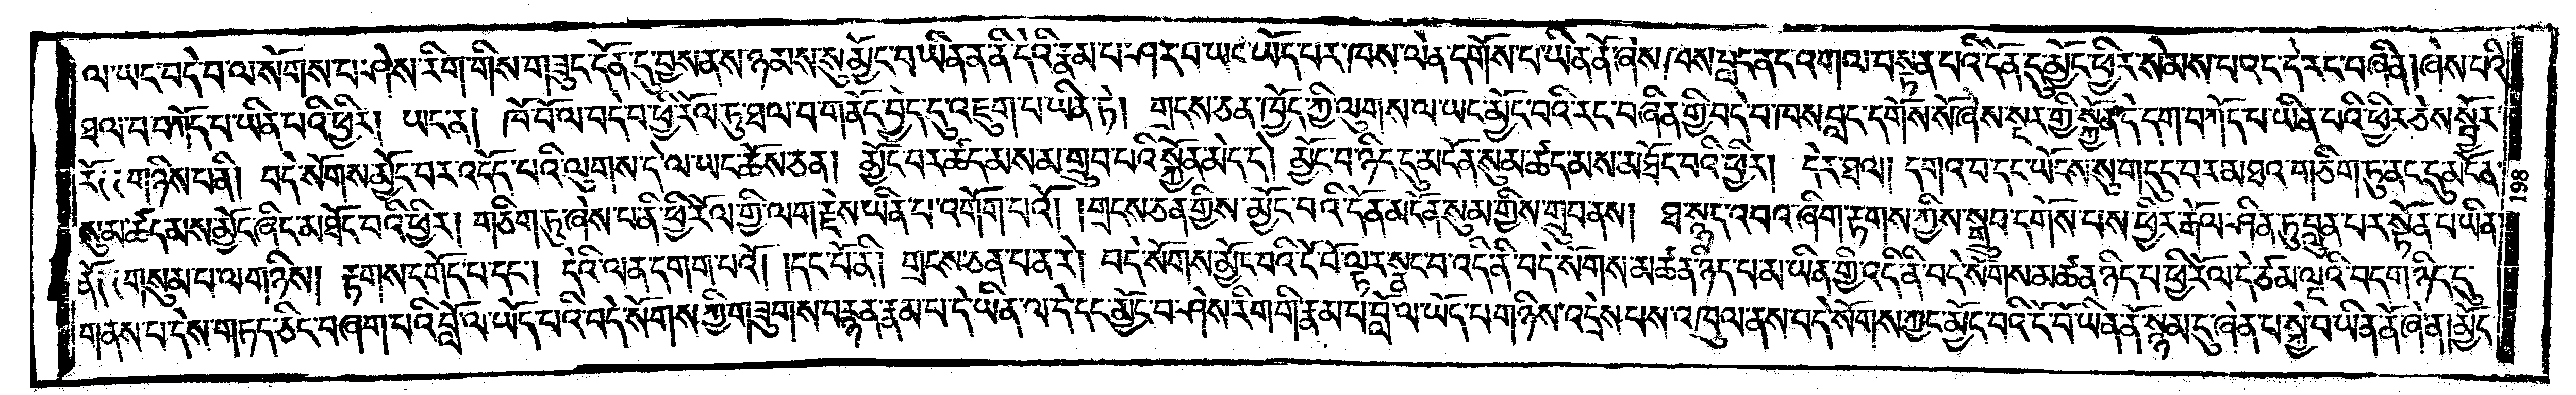ལ་ཡང་བདེ་བ་ལ་སོགས་པ་ཤེས་རིག་གིས་གཟུང་དོན་དུ་བྱས་ནས་ཉམས་སུ་མྱོང་བ་ཡིན་ན་ནི་དེའི་རྣམ་པ་ཤར་བ་ཡང་ཡོད་པར་ཁས་ལེན་དགོས་པ་ཡིན་ནོ་ཞེས་ཁས་བླང་ནང་འགལ་བསྟན་པའི་དོན་དུ་མྱོང་ཕྱིར་སེམས་པའང་དེ་རང་བཞིན། ཞེས་པའི་
ཐལ་བ་བཀོད་པ་ཡིན་པའི་ཕྱིར། ཡང་ན། ཁོ་བོ་ལ་བདེ་བ་ཕྱི་རོལ་ཏུ་ཐལ་བ་གནོད་བྱེད་དུ་འཇུག་པ་ཡིན་ཏེ། གྲངས་ཅན་ཁྱོད་ཀྱི་ལུགས་ལ་ཡང་མྱོང་བའི་རང་བཞིན་གྱི་བདེ་བ་ཁས་བླང་དགོས་སོ་ཞེས་སྔར་གྱི་སྐྱོན་དེ་དག་བཀོད་པ་ཡིན་པའི་ཕྱིར་ཅེས་སྦྱོར་
རོ། །གཉིས་པ་ནི། བདེ་སོགས་མྱོང་བར་འདོད་པའི་ལུགས་དེ་ལ་ཡང་ཆོས་ཅན། མྱོང་བར་ཚད་མས་མ་གྲུབ་པའི་སྐྱོན་མེད་དེ། མྱོང་བ་ཉིད་དུ་མངོན་སུམ་ཚད་མས་མཐོང་བའི་ཕྱིར། དེར་ཐལ། དགའ་བ་དང་ཡོངས་སུ་གདུང་བར་མཐའ་གཅིག་ཏུ་ནང་དུ་མངོན་
སུམ་ཚད་མས་མྱོང་ཞིང་མཐོང་བའི་ཕྱིར། གཅིག་ཏུ་ཞེས་པ་ནི་ཕྱི་རོལ་གྱི་ལག་རྗེས་ཡིན་པ་འགོག་པའོ། །གྲངས་ཅན་གྱིས་མྱོང་བའི་དོན་མངོན་སུམ་གྱིས་གྲུབ་ནས། ཐ་སྙད་འབའ་ཞིག་རྟགས་ཀྱིས་སྒྲུབ་དགོས་པས་ཕྱིར་རྒོལ་ཤིན་ཏུ་བླུན་པར་སྟོན་པ་ཡིན་
ནོ། །གསུམ་པ་ལ་གཉིས། རྟགས་དགོད་པ་དང་། དེའི་ལན་དགག་པའོ། །དང་པོ་ནི། གྲངས་ཅན་པ་ན་རེ། བདེ་སོགས་མྱོང་བའི་ངོ་བོ་ལྟར་སྣང་བ་འདི་ནི་བདེ་སོགས་མཚན་ཉིད་པ་མ་ཡིན་གྱི་འདི་ནི་བདེ་སོགས་མཚན་ཉིད་པ་ཕྱི་རོལ་དེ་ཙམ་ལྔའི་བདག་ཉིད་དུ་
གནས་པ་དེས་གཏད་ཅིང་བཞག་པའི་བློ་ལ་ཡོད་པའི་བདེ་སོགས་ཀྱི་གཟུགས་བརྙན་རྣམ་པ་དེ་ཡིན་ལ་དེ་དང་མྱོང་བ་ཤེས་རིག་གི་རྣམ་པ་བློ་ལ་ཡོད་པ་གཉིས་འདྲེས་པས་འཁུལ་ནས་བདེ་སོགས་ཀྱང་མྱོང་བའི་ངོ་བོ་ཡིན་ནོ་སྙམ་དུ་ཞེན་པ་སྐྱེ་བ་ཡིན་ནོ་ཞེ་ན། མྱོང་